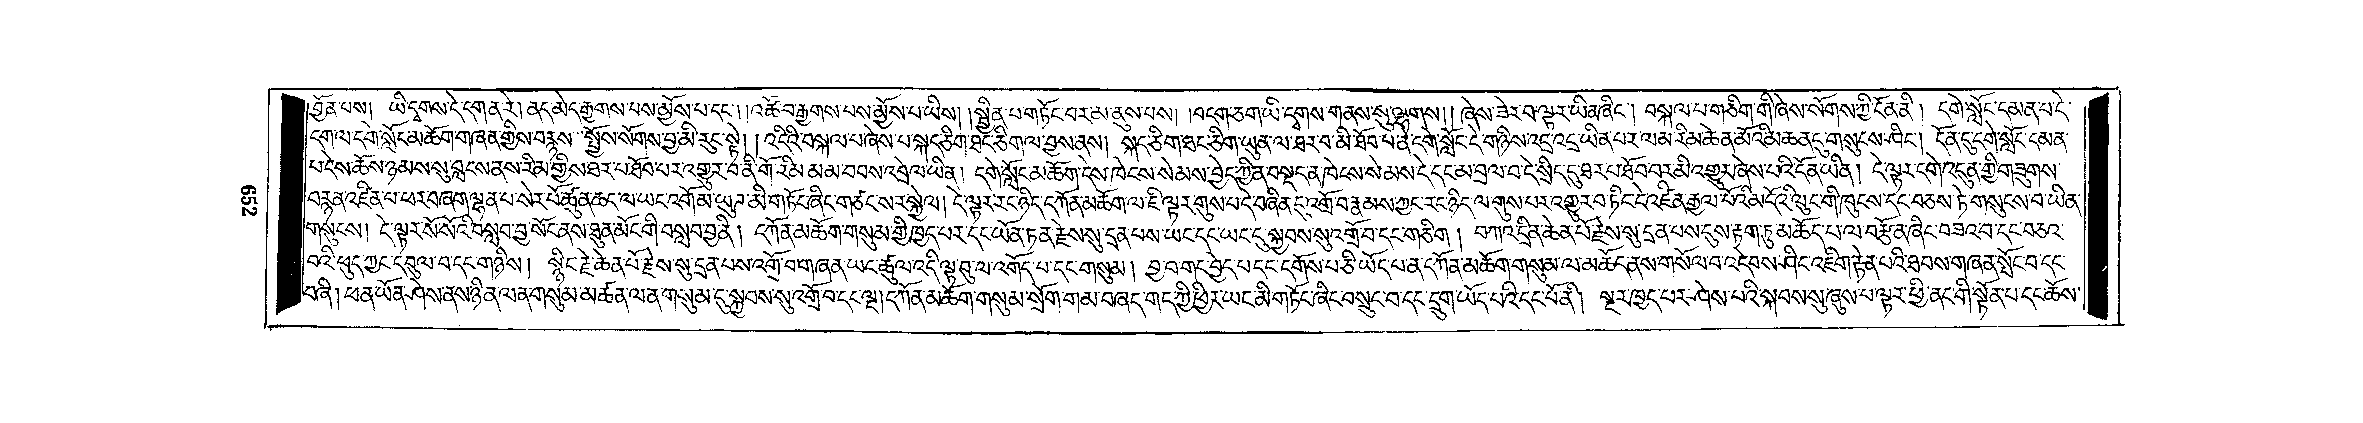བྱོན་པས། ཡི་དྭགས་དེ་དག་ན་རེ། ནད་མེད་རྒྱགས་པས་མྱོས་པ་དང་། །འཚོ་བ་རྒྱགས་པས་མྱོས་པ་ཡིས། །སྦྱིན་པ་གཏོང་བར་མ་ནུས་པས། །བདག་ཅག་ཡི་དྭགས་གནས་སུ་ལྷགས། །ཞེས་ཟེར་བ་ལྟར་ཡིན་ཞིང་། བསྐལ་པ་གཅིག་གི་ཞེས་སོགས་ཀྱི་དོན་ནི། དགེ་སློང་དམན་པ་དེ་
དག་ལ་དགེ་སློང་མཆོག་གཞན་གྱིས་བརྙས་སྤྱོས་སོགས་བྱ་མི་རུང་སྟེ། །འདིའི་བསྐལ་པ་ཞེས་པ་སྐད་ཅིག་ཐང་ཅིག་ལ་བྱས་ནས། སྐད་ཅིག་ཐང་ཅིག་ཡུན་ལ་ཐར་བ་མི་ཐོབ་པ་ན་དགེ་སློང་དེ་གཉིས་འདྲ་འདྲ་ཡིན་པར་ལམ་རིམ་ཆེན་མོའི་མཆན་དུ་གསུངས་ཤིང་། དོན་དུ་དགེ་སློང་དམན་
པ་དེས་ཆོས་ཉམས་སུ་བླངས་ནས་རིམ་གྱིས་ཐར་པ་ཐོབ་པར་འགྱུར་བ་ནི་གོ་རིམ་མམ་བབས་འབྲེལ་ཡིན། དགེ་སློང་མཆོག་དེས་ཁེངས་སེམས་བྱེད་ཀྱི་ན་བསྡད་ན་ཁེངས་སེམས་དེ་དང་མ་བྲལ་བ་དེ་སྲིད་དུ་ཐར་པ་ཐོབ་བར་མི་འགྱུར་ཞེས་པའི་དོན་ཡིན། དེ་ལྟར་དགེ་འདུན་གྱི་གཟུགས་
བརྙན་འཛིན་པ་ཕར་བཞག་ལྷན་པ་སེར་པོ་ཚུན་ཆད་ལ་ཡང་འགོམ་ཡུགས་མི་གཏོང་ཞིང་གཙང་སར་སྐྱེལ། དེ་ལྟར་རང་ཉིད་དཀོན་མཆོག་ལ་ཇི་ལྟར་གུས་པ་དེ་བཞིན་དུ་འགྲོ་བ་རྣམས་ཀྱང་རང་ཉིད་ལ་གུས་པར་འགྱུར་བ་ཏིང་ངེ་འཛིན་རྒྱལ་པོའི་མདོའི་ལུང་གི་ཁུངས་དང་བཅས་ཏེ་གསུངས་བ་ཡིན་
གསུངས། དེ་ལྟར་སོ་སོའི་བསླབ་བྱ་སོང་ནས་ཐུན་མོང་གི་བསླབ་བྱ་ནི། དཀོན་མཆོག་གསུམ་གྱི་ཁྱད་པར་དང་ཡོན་ཏན་རྗེས་སུ་དྲན་པས་ཡང་དང་ཡང་དུ་སྐྱབས་སུ་འགྲོ་བ་དང་གཅིག །བཀའ་དྲིན་ཆེན་པོ་རྗེས་སུ་དྲན་པས་དུས་རྟག་ཏུ་མཆོད་པ་ལ་བརྩོན་ཞིང་བཟའ་བ་དང་བཅའ་
བའི་ཕུད་ཀྱང་དབུལ་བ་དང་གཉིས། སྙིང་རྗེ་ཆེན་པོ་རྗེས་སུ་དྲན་པས་འགྲོ་བ་གཞན་ཡང་ཚུལ་འདི་ལྟ་བུ་ལ་འགོད་པ་དང་གསུམ། བྱ་བ་གང་བྱེད་པ་དང་དགོས་པ་ཅི་ཡོད་པ་ན་དཀོན་མཆོག་གསུམ་ལ་མཆོད་ནས་གསོལ་བ་འདེབས་ཤིང་འཇིག་རྟེན་པའི་ཐབས་གཞན་སྤོང་བ་དང་
བཞི། ཕན་ཡོན་ཤེས་ནས་ཉིན་ལན་གསུམ་མཚན་ལན་གསུམ་དུ་སྐྱབས་སུ་འགྲོ་བ་དང་ལྔ། དཀོན་མཆོག་གསུམ་སྲོག་གམ་བཞད་གད་ཀྱི་ཕྱིར་ཡང་མི་གཏོང་ཞིང་བསྲུང་བ་དང་དྲུག་ཡོད་པའི་དང་པོ་ནི། སྔར་ཁྱད་པར་ཤེས་པའི་སྐབས་སུ་ཞུས་པ་ལྟར་ཕྱི་ནང་གི་སྟོན་པ་དང་ཆོས་